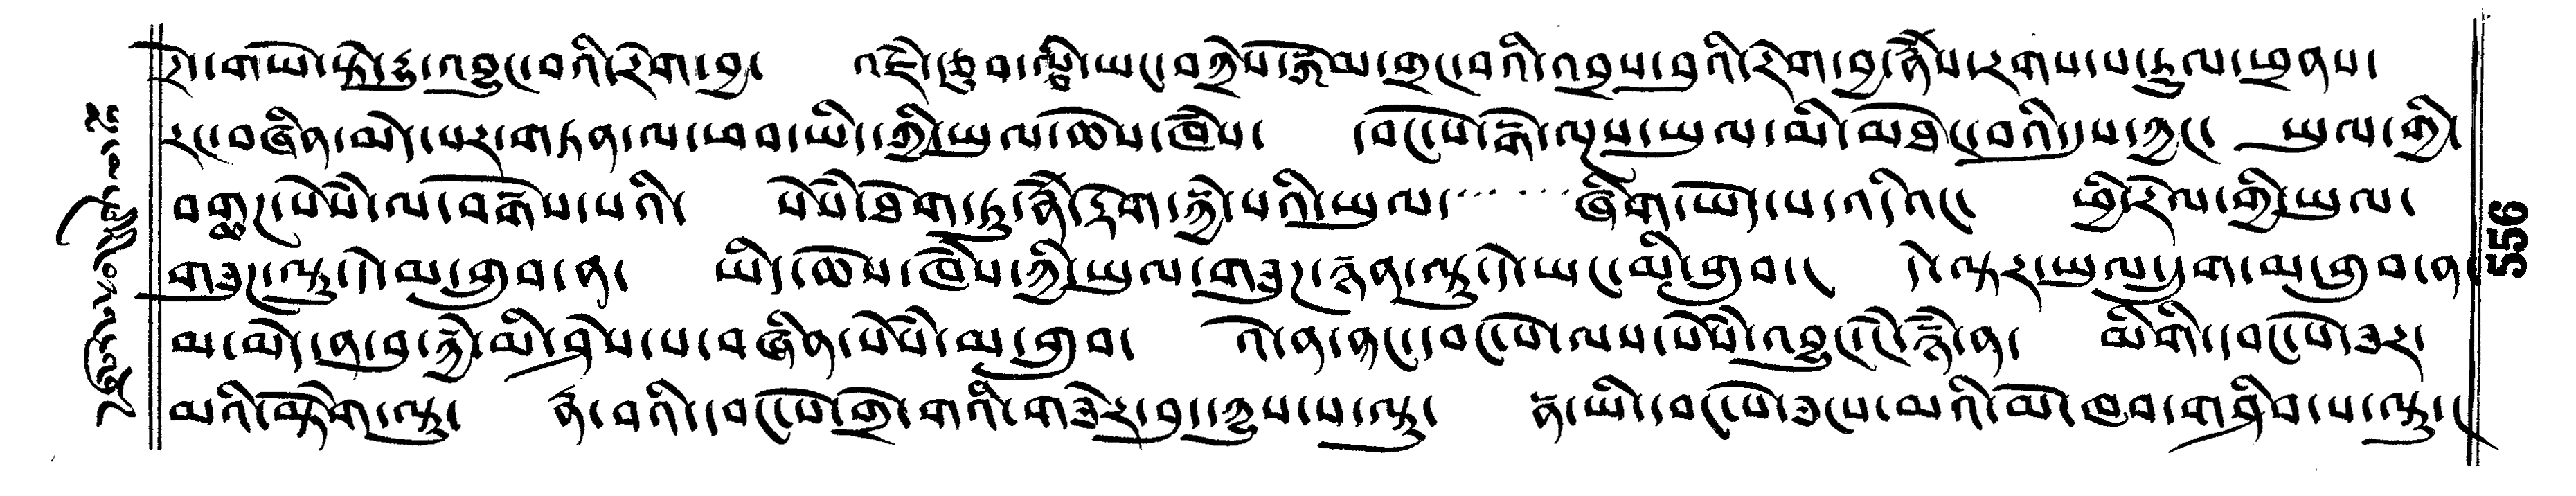དྲོད་གཡོ་སྟེ་རྒྱུ་འབྱུང་བའི་རེག་བྱ། འཇམ་རྩུབ་ལྕི་ཡང་བཀྲེས་སྐོམ་གྲང་བའི་འབྲས་བུའི་རེག་བྱ་རྣམས་རགས་པ་རྡུལ་ཕྲན་ནས། 
རང་བཞིན་མེད་པར་གཏན་ལ་ཕབ་ཡིད་ཀྱི་ཡུལ་ཆོས་ཁམས། དབང་པོ་སྒོ་ལྔས་ཡུལ་མི་མཐོང་བའི་དུས་ཀྱང་། ཡུལ་གྱི་
བག་ཆགས་སེམས་ལ་བསྒོས་པས། སེམས་ཐོག་ཏུ་རྣམ་རྟོག་སྐྱེ་སའི་ཡུལ་ཞིག་ཡོད་པ་འདིའང་། ཕྱི་རོལ་གྱི་ཡུལ་
གཟུགས་ལྟ་བུ་དེ་མ་གྲུབ་ན། ཡིད་ཆོས་ཁམས་ཀྱི་ཡུལ་གཟུགས་བརྙན་ལྟ་བུ་དེ་ཡང་མི་འགྲུབ། དེ་ལྟར་ཡུལ་དྲུག་མ་གྲུབ་ན་
མ་མེད་ན་བུ་སྐྱེ་མི་ཤེས་པ་བཞིན་སེམས་མ་གྲུབ། འོ་ན་ནང་དབང་པོ་ལས་སེམས་འབྱུང་ངམ་སྙམ་ན། མིག་གི་དབང་པོ་ཟར་
མའི་མེ་ཏོག་ལྟ་བུ། རྣ་བའི་དབང་པོ་གྲོ་གའི་འཛེར་བུ་གཅུས་པ་ལྟ་བུ། སྣ་ཡི་དབང་པོ་ཟངས་ཀྱྀ་མོ་ཁབ་གཤིབས་པ་ལྟ་བུ།